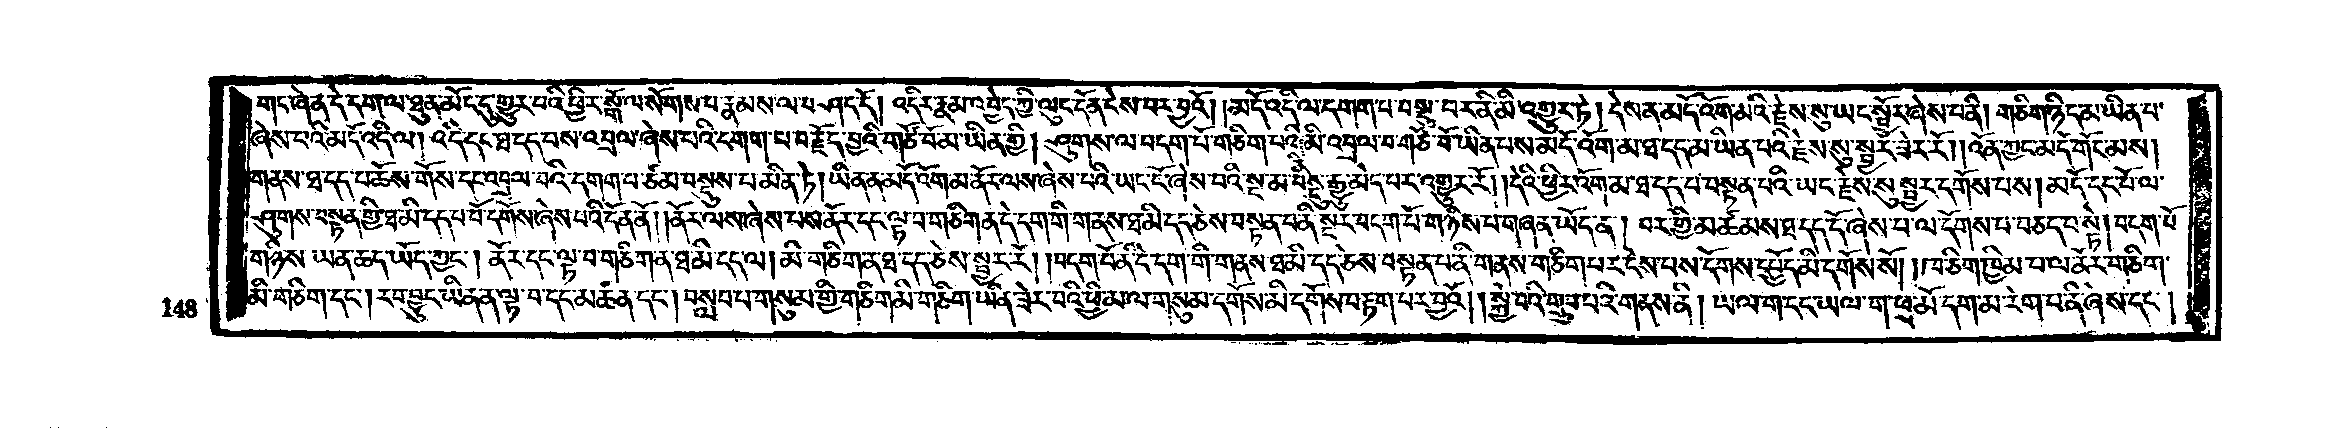གང་ཞེ་ན་དེ་དག་ལ་ཐུན་མོང་དུ་གྱུར་པའི་ཕྱིར་སྒོ་ལ་སོགས་པ་རྣམས་ལ་བཤད་དོ། འདིར་རྣམ་འབྱེད་ཀྱི་ལུང་དོན་ངེས་པར་བྱའོ། །མདོ་འདི་ལ་དགག་པ་བསྡུ་བར་ནི་མི་འགྱུར་ཏེ། དེས་ན་མདོ་འོག་མའི་རྗེས་སུ་ཡང་སྦྱོར་ཞེས་པ་ནི། གཅིག་ཉིད་མ་ཡིན་པ་
ཞེས་པའི་མདོ་འདི་ལ། འདི་དང་ཐ་དད་པས་འབྲལ་ཞེས་པའི་དགག་པ་བརྗོད་བྱའི་གཙོ་བོ་མ་ཡིན་གྱི། ཤུགས་ལ་བདག་པོ་གཅིག་པའི་མི་འབྲལ་བ་གཙོ་བོ་ཡིན་པས་མདོ་འོག་མ་ཐ་དད་མ་ཡིན་པའི་རྗེས་སུ་སྦྱར་ཟེར་རོ། །འོན་ཀྱང་མདོ་གོང་མས།
གནས་ཐ་དད་པ་ཆོས་གོས་དང་འབྲལ་བའི་དགག་པ་ཙམ་བསྡུས་པ་མིན་ཏེ། ཡིན་ན་མདོ་འོག་མ་ནོར་ལས་ཞེས་པའི་ཡང་ངོ་ཞེས་པའི་ཞེས་པའི་སྔ་མ་བསྡུ་རྒྱུ་མེད་པར་འགྱུར་རོ། །དེའི་ཕྱིར་འོག་མ་ཐ་དད་པ་བསྟན་པའི་ཡང་རྗེས་སུ་སྦྱར་དགོས་པས། མདོ་དང་པོ་ལ་
ཤུགས་བསྟན་གྱི་ཐ་མི་དད་པ་པེ་དགོས་ཞེས་པའི་དོན་ནོ། །ནོར་ལས་ཞེས་པས་ནོར་དང་ལྟ་བ་གཅིག་ན་དེ་དག་གི་གནས་ཐ་མི་དད་ཅེས་བསྟན་པ་ནི་སྔར་བདག་པོ་གཉིས་པ་གཞན་ཡོད་ན། བར་གྱི་མཚམས་ཐ་དད་དོ་ཞེས་པ་ལ་དོགས་པ་བཅད་པ་སྟེ། བདག་པོ་
གཉིས་ཡན་ཆད་ཡོད་ཀྱང་། ནོར་དང་ལྟ་བ་གཅིག་ན་ཐ་མི་དད་ལ། མི་གཅིག་ན་ཐ་དད་ཅེས་སྦྱར་རོ། །བདག་པོ་ནི་དེ་དག་གི་གནས་ཐ་མི་དད་ཅེས་བསྟན་པ་ནི་གནས་གཅིག་པར་ངེས་པས་དོགས་དཔྱོད་མི་དགོས་སོ། །ཁ་ཅིག་ཁྱིམ་པ་ལ་ནོར་གཅིག་
མི་གཅིག་དང་། རབ་བྱུང་ཡིན་ན་ལྟ་བ་དང་མཚན་དང་། བསླབ་པ་གསུམ་གྱི་གཅིག་མི་གཅིག་ཡིན་ཟེར་བའི་ཕྱི་མ་ལ་གསུམ་དགོས་མི་དགོས་བརྟག་པར་བྱའོ། །སྐྱེ་བའི་གྲུབ་པའི་གནས་ནི། ཡལ་ག་དང་ཡལ་ག་ཕྲ་མོ་དག་མ་རེག་པ་ནི་ཞེས་དང་།